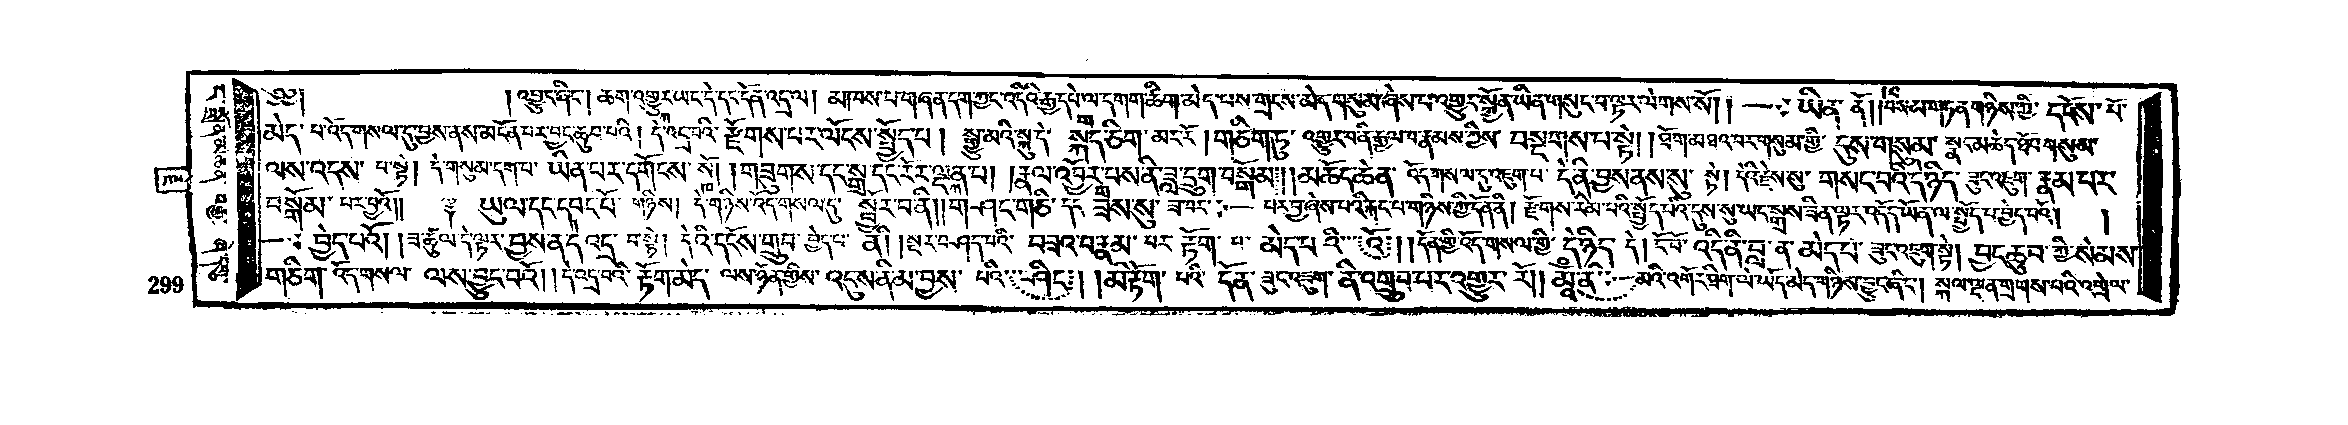༄༅། །འབྱུང་ཞིང་། ཆག་འགྱུར་ཡང་དེ་དང་དོན་འདྲ་ལ། མཁས་པ་གཞན་དག་ཀྱང་འདིའི་རྒྱ་དཔེ་ལ་དགག་ཚིག་མེད་པས་གྲངས་མེད་གསུམ་ཞེས་པ་འགྱུར་སྐྱོན་ཡིན་གསུང་བ་ལྟར་ལེགས་སོ།། ཡིན་ནོ། །ཁ་བསམ་གཏན་གཉིས་ཀྱི་དངོས་པོ་
མེད་པ་འོད་གསལ་དུ་བྱས་ནས་མངོན་པར་བྱང་ཆུབ་པའི། ཀ་དེ་འདྲ་བའི་རྫོགས་པར་ལོངས་སྤྱོད་པ། སྒྱུ་མའི་སྐུ་དེ་ག་སྐད་ཅིག་མར་རོ།  གཅིག་ཏུ་འགྱུར་བ་ནི་རྒྱལ་བ་རྣམས་ཀྱིས་བསྔགས་པ་སྟེ། །ཐོག་མཐའ་བར་གསུམ་གྱི་དུས་གསུམ་སྣང་མཆེད་ཐོབ་གསུམ
ལས་འདས་པ་སྟེ། དེ་གསུམ་དག་པ་ཡིན་པར་དགོངས་སོ། །གཟུགས་དང་སྒྲ་དང་རོར་ལྡན་པ། །རྣལ་འབྱོར་པས་ནི་ཟླ་དྲུག་བསྒོམ། །མཆོད་ཆེན་་འོད་གསལ་དུ་འཇུག་པ་དེ་ནི་བྱས་ནས་སུ་སྟེ། དེའི་རྗེས་སུ་གསང་བའི་དེ་ཉིད་ཟུང་འཇུག་རྣམ་པར་
བསྒོམ་པར་བྱའོ།།  ༈ ཡུལ་དང་དབང་པོ་གཉིས། ཁ་དེ་གཉིས་འོད་གསལ་དུ་སྦྱོར་བ་ནི། ། ཀ་གཤང་གཅི་དང་ག་ཟས་སུ་ཟ་བར་པར་བྱ་ཞེས་པའི་རྐང་པ་གཉིས་ཀྱི་དོན་ནི། རྫོགས་རིམ་པའི་སྤྱོད་པའི་དུས་སུ་ཡང་སྒྲས་ཟིན་ལྟར་འདོད་ཡོན་ལ་སྤྱོད་པ་བྱེད་པའོ། །
བྱེད་པའོ། །ཟ་ཚུལ་དེ་ལྟར་བྱས་ན་དེ་འདྲ་བ་སྟེ། དེའི་དངོས་གྲུབ་བྱེད་པ་ནི། །སྔར་བཤད་པའི་བཟའ་བ་རྣམ་པར་རྟོག་པ་མེད་པའི་འོ། ། དོན་གྱི་འོད་གསལ་གྱི་དེ་ཉིད་དེ། ངོ་བོ་འདི་ནི་བླ་ན་མེད་པ་ཟུང་འཇུག་སྟེ།  བྱང་ཆུབ་ཀྱི་སེམས་
གཅིག་འོད་གསལ་ལས་བྱུང་བའོ། ། དེ་འདྲ་བའི་རྟོག་མེད་ལས་ཉོན་གྱིས་འདུས་ནི་མ་བྱས་པའི་ཤིང་། །མི་རྟོག་པའི་དོན་ཟུང་འཇུག་ནི་འགྲུབ་པར་འགྱུར་རོ། །མOM་ནི་མའི་འགོར་ཐིག་ལེ་ཡོད་མེད་གཉིས་བྱུང་ཞིང་། སྐལ་ལྡན་གྲགས་པའི་འགྲེལ་